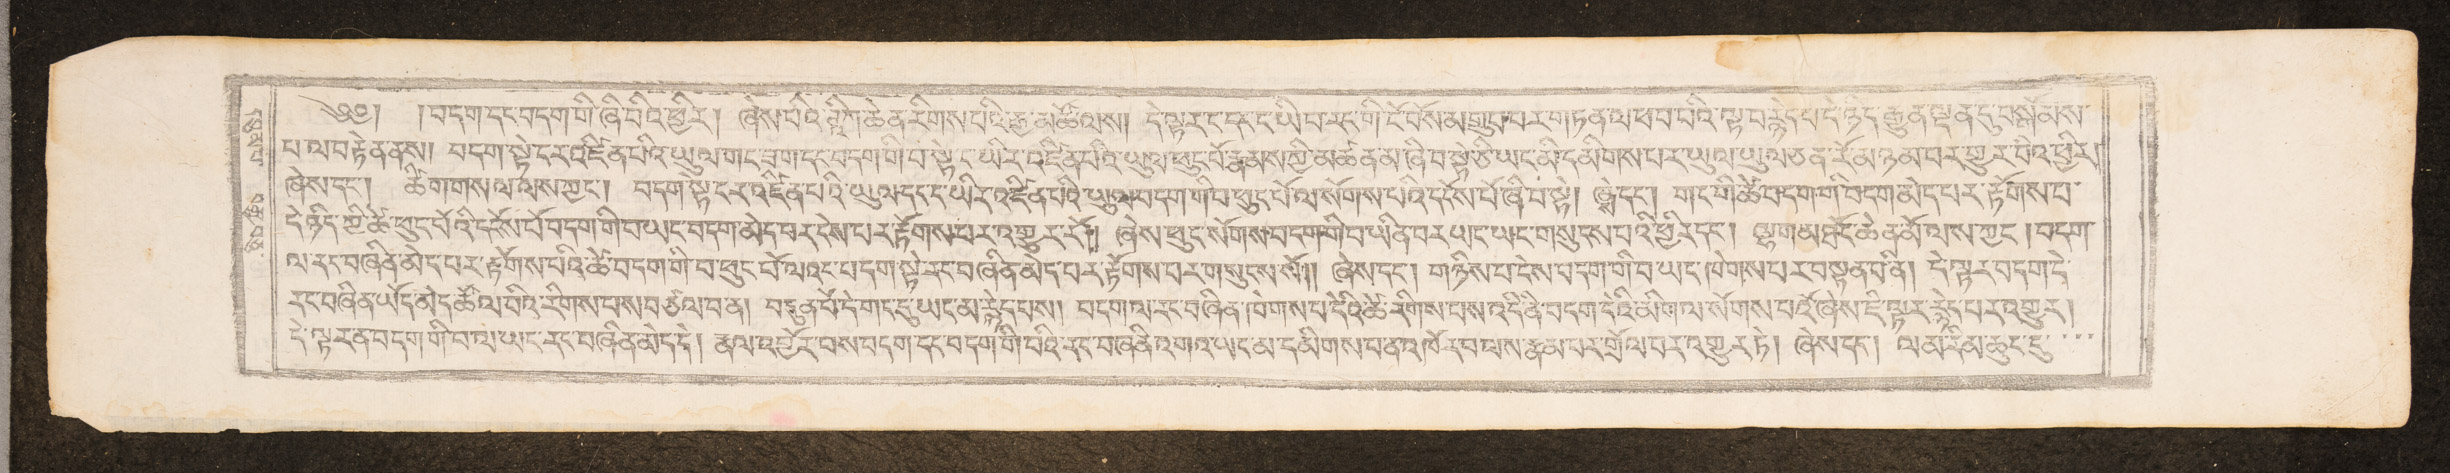༄༅། །བདག་དང་བདག་གི་ཞི་བའི་ཕྱིར། ཞེས་པའི་ཊཱིཀ་ཆེན་རིགས་པའི་རྒྱུ་མཚོ་ལས། དེ་ལྟར་དང་ང་ཡིབ་རང་གི་ངོ་བོས་མགྲུབ་པར་གཏན་ལ་ཕབ་པའི་ལྟ་བརྙེད་པ་དེ་ཉིད་རྒྱུན་ལྡན་དུ་བསྒོམས་
པ་ལ་བརྟེན་ནས། བདག་སྟེ་ངར་འཛིན་པའི་ཡུལ་གང་ཟག་དང་བདག་གི་བ་སྟེང་ང་ཡིར་འཛིན་པའི་ཡུལ་ཕུང་པོ་རྣམས་ཀྱི་མཚན་མ་ཞི་བ་སྟེ་ཅི་ཡང་མི་དམིགས་པར་ཡུལ་ཡུལ་ཅན་རོ་མཉམ་པར་གྱུར་བའི་ཕྱིར།
ཞེས་དང་། ཚིག་གསལ་ལས་ཀྱང་། བདག་སྟེང་ངར་འཛིན་པའི་ཡུལ་དང་ང་ཡིར་འཛིན་པའི་ཡུལ་བདག་གི་པ་ཕུང་པོ་ལ་སོགས་པའི་དངོས་པོ་ཞི་བ་སྟེ། ཞེས་དང་། གང་གི་ཚེ་བདག་གི་བདག་མེད་པར་རྟོགས་པ་
དེ་ཉིད་ཀྱི་ཚེ་ཕུང་པོའི་དངོས་པོ་བདག་གི་བ་ཡང་བདག་མེད་པར་དེས་པར་རྟོགས་པར་འགྱུར་རོ། །ཞེས་ཕུང་སོགས་བདག་གི་བ་ཡིན་པར་ཡང་ཡང་གསུངས་པའི་ཕྱིར་དང་། ལྷག་མཐོང་ཆེན་མོ་ལས་ཀྱང་། བདག་
ལ་རང་བཞིན་མེད་པར་རྟོགས་པའི་ཚེ་བདག་གི་བ་ཕུང་པོ་ལའང་བདག་སྟེ་རང་བཞིན་མེད་པར་རྟོགས་པར་གསུངས་སོ། །ཞེས་དང་། གཉིས་པ་དེས་བདག་གི་བ་ཡང་ཁེགས་པར་བསྟེན་པ་ནི། དེ་ལྟར་བདག་དེ་
རང་བཞིན་ཡོད་མེད་ཚོལ་བའི་རིགས་པས་བཙལ་བ་ན། བདུན་པོ་དེ་གང་དུ་ཡང་མ་རྙེད་པས། །བདག་ལ་རང་བཞིན་ཁེགས་པ་དེའི་ཚེ་རིགས་པས་དི་ནི་བདག་དེའི་མིག་ལ་སོགས་པའོ་ཞེས་ཇི་ལྟར་རྙེད་པར་འགྱུར།
དེ་ལྟར་ན་བདག་གི་བ་ལ་ཡང་རང་བཞིན་མེད་དེ། །རྣལ་འབྱོར་བས་བདག་དང་བདག་གི་བའི་རང་བཞིན་འགའ་ཡང་མ་དམིགས་པ་ན་འཁོར་བ་ལས་རྣམ་པར་གྲོལ་བར་འགྱུར་ཏེ། ཞེས་དང་། ལམ་རིམ་ཆུང་དུ་